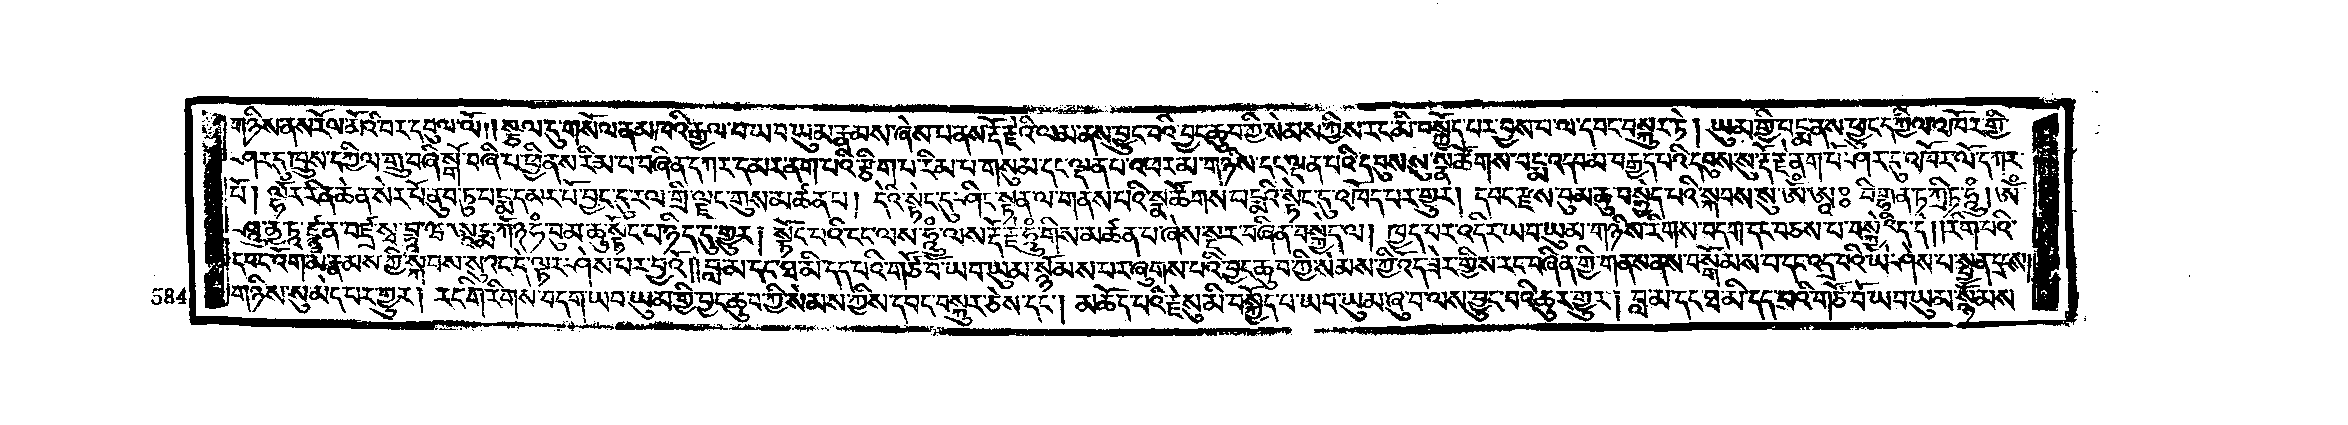གཉིས་ནས་རོལ་མོའི་བར་དབུལ་ལོ། །སྩལ་དུ་གསོལ་ནམ་མཁའི་རྒྱལ་བ་ཡབ་ཡུམ་རྣམས་ཞེས་པ་ནས་རྡོ་རྗེའི་ལམ་ནས་བྱུང་བའི་བྱང་ཆུབ་ཀྱི་སེམས་ཀྱིས་རང་མི་བསྐྱོད་པར་བྱས་པ་ལ་དབང་བསྐུར་ཏེ། ཡུམ་གྱི་པདམ་ནས་ཕྱུང་དཀྱིལ་འཁོར་གྱི་
ཤར་དུ་ཁྲུས་དཀྱིལ་གྲུ་བཞི་སྒོ་བཞི་པ་ཕྱི་ནས་རིམ་པ་བཞིན་དཀར་དམར་ནག་པའི་རྩིག་པ་རིམ་པ་གསུམ་དང་ལྡན་པ་འཕར་མ་གཉིས་དང་ལྡན་པའི་དབུས་སུ་སྣ་ཚོགས་པདམ་འདབ་མ་བརྒྱད་པའི་དབུས་སུ་རྡོ་རྗེ་ནག་པོ་ཤར་དུ་འཁོར་ལོ་དཀར་
པོ། ལྷོར་རིན་ཆེན་སེར་པོ་ནུབ་ཏུ་པདམ་དམར་པོ་བྱང་དུ་རལ་གྲི་ལྗང་གུས་མཚན་པ། དེའི་སྟེང་དུ་ཤིང་སྟན་ལ་གནས་པའི་སྣ་ཚོགས་པདམའི་སྟེང་དུ་འཁོད་པར་གྱུར། དབང་རྫས་བུམ་ཆུ་བསྐྱེད་པའི་སྐབས་སུ་ཨོཾ་ཨཱཿ བིགྷྣཱན་ཏ་ཀྲིཏ་ཧཱུཾ། ཨོཾ་
ཤཱུ་ནྱ་ཏཱ་ཛྙཱ་ན་བཛྲ་སྭ་བྷཱ་ཝ་ཨཱདམ་ཀོཉྷཾ་བུམ་ཆུ་སྟོང་པ་ཉིད་དུ་གྱུར། སྟོང་པའི་ངང་ལས་ཧཱུཾ་ལས་རྡོ་རྗེ་ཧཱུཾ་གིས་མཚན་པ་ཞེས་སྔར་བཞིན་བསྐྱེད་ལ། ཁྱད་པར་འདིར་ཡབ་ཡུམ་གཉིས་རིགས་བདག་དང་བཅས་པ་བསྐྱེད་དེ། །རིག་པའི་
དབང་འོག་མ་རྣམས་ཀྱི་སྐབས་སུའང་དེ་ལྟར་ཤེས་པར་བྱའོ། །བླ་མ་དང་ཐ་མི་དད་པའི་གཙོ་བོ་ཡབ་ཡུམ་སྙོམས་པར་ཞུགས་པའི་བྱང་ཆུབ་ཀྱི་སེམས་ཀྱི་འོད་ཟེར་གྱིས་རང་བཞིན་གྱི་གནས་ནས་བསྒོམས་པ་དང་འདྲ་བའི་ཡེ་ཤེས་པ་སྤྱན་དྲངས།
གཉིས་སུ་མེད་པར་གྱུར། རང་ག་རིགས་བདག་ཡབ་ཡུམ་གྱི་བྱང་ཆུབ་ཀྱི་སེམས་ཀྱིས་དབང་བསྐུར་ཅེས་དང་། མཆོད་པའི་རྗེས་སུ་མི་བསྐྱོད་པ་ཡབ་ཡུམ་ཞུ་བ་ལས་བྱུང་བའི་ཆུར་གྱུར། བླ་མ་དང་ཐ་མི་དད་པའི་གཙོ་བོ་ཡབ་ཡུམ་སྙོམས་